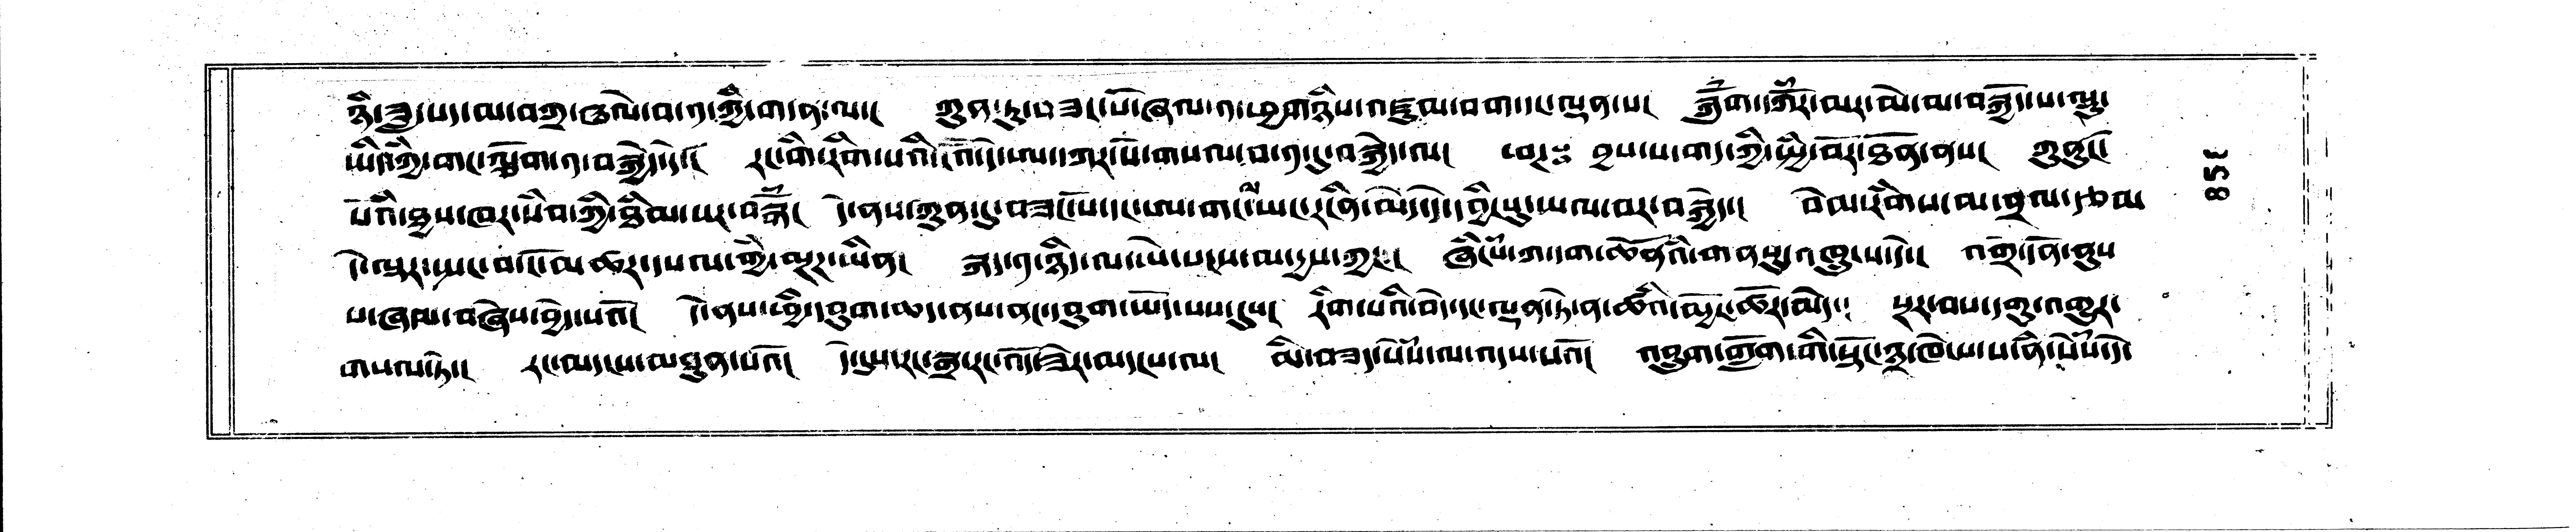ཉི་ཟླ་པདྨ་་བཀྲ་ཝལ་ལེ་བ་ཅིག་གི་གདན་ལ། ཀུན་ཏུ་བཟང་པོ་ཞལ་གཅིག་ཕྱག་གཉིས་འཛུམ་བག་དང་ལྡན་པ། སྐུ་མདོག་དཀར་མོ་མར་མེ་མ་བསྐྱོད་པ་ལྟ་བུ་
ཡིད་ཀྱི་གང་ལྕོག་ཅིག་བསྐྱེད་དེ། རང་གི་རིག་པའི་ངོའོ་དེ་ཨ་དཀར་པོ་གསལ་བ་ཅིག་ཏུ་བསྐྱེད་ལ། ཕཌཿ བྱས་པ་གད་ཀྱིས་སྤྱི་བོར་ཐོན་ནས། ཀུན་ཏུ་བཟང་
པོའི་ཐུགས་ཁར་སིབ་ཀྱིས་ཐིམ་པར་བསྒོམ། དེ་ནས་ཀུན་ཏུ་བཟང་པོ་དང་ཨ་གང་ལ་ཡང་རང་བཞིན་མེད་དེ་དབྱིངས་སུ་ཡལ་བར་བསྐྱེད། བེམ་རིག་མ་བྲལ་ཙམ་
དེ་ལྟར་སྤང་བ་ངོ་མཚར་དཔལ་གྱི་མན་ངག་ཡིན། སྐད་ཅིག་ཉིད་ལ་ཡེ་སངས་མ་རྒྱས་ཀྱང་། ཞིང་ཁམས་ཀ་དག་ཆེན་པོའི་གནས་སུ་འཁྲུངས་ཏེ། འགྲོ་དོན་ནུས་
པ་ཞལ་བཞེས་བྱེད་པའོ། །དེ་ནས་ཕྱི་དབུགས་ཆད་ནས་ནང་དབུགས་ཡོད་པའི་དུས། རིག་པའི་བདེ་བ་དང་ལྡན་ཏེ་ན་ཚའི་མྱོང་ཚོར་མེད། སྔར་བས་དགུ་འགྱུར་
གསལ་ཏེ། རང་མདངས་མཐུན་པའོ། །དེ་དུས་རང་སྒྲ་རང་འོད་ཟེར་མདངས་ལ། མི་བཟད་སེམས་ལ་འདས་པའོ། །འབྲུག་གློག་གི་སྟོང་གསུམ་ཁེངས་པ་ནི་སེམས་དེ་